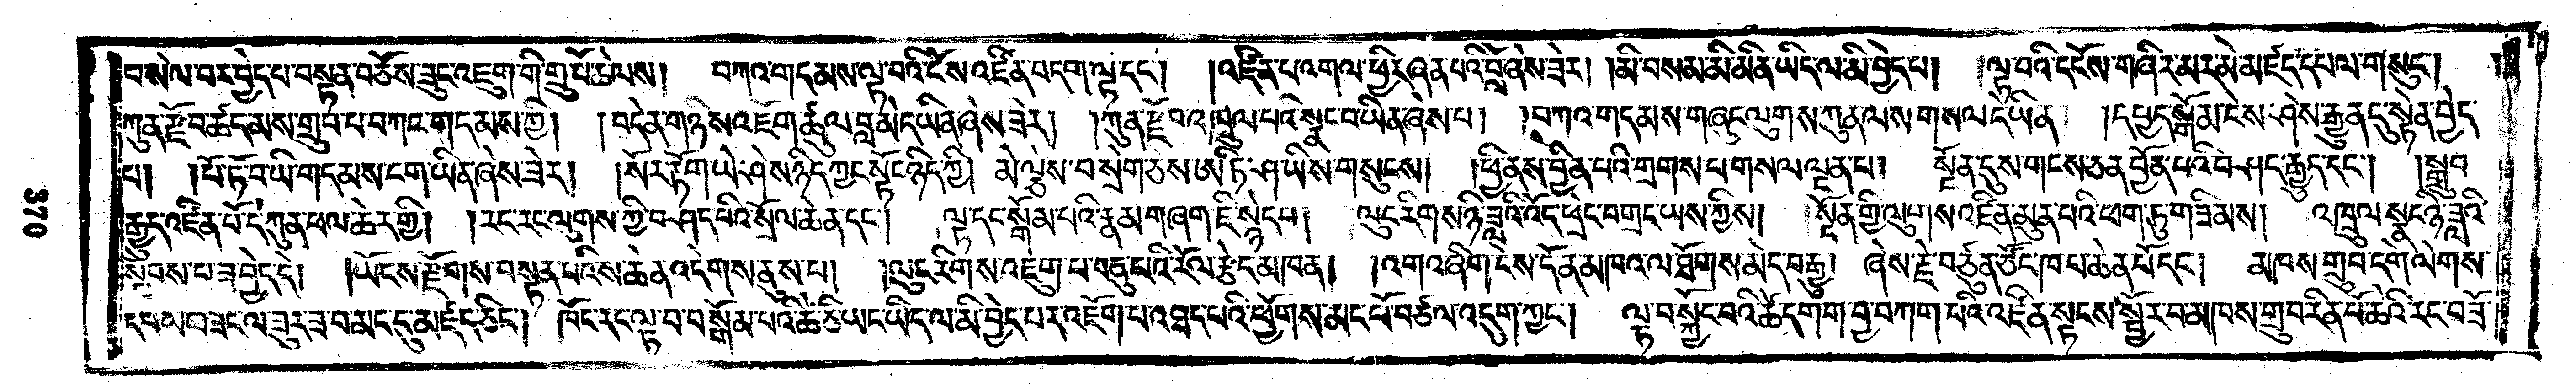བསེལ་བར་བྱེད་པ་བསྟན་བཅོས་ཟུང་འཇུག་གི་གྲུ་པོ་ཆེ་ལས། བཀའ་གདམས་ལྟ་བའི་ངོས་འཛིན་བདག་ལྟ་དང་། །འཛིན་པ་འགལ་ཕྱིར་ཞན་པའི་བློ་ཞེས་ཟེར། །མི་བསམ་མི་མིན་ཡིད་ལ་མི་བྱེད་པ། །ལྟ་བའི་དངོས་གཞིར་མར་མེ་མཛད་དཔལ་གསུང་། །
ཀུན་རྫོབ་ཚད་མས་གྲུབ་པ་བཀའ་གདམས་ཀྱི། །བདེན་གཉིས་འཇོག་ཚུལ་བླ་མེད་ཡིན་ཞེས་ཟེར། །ཀུན་རྫོབ་འཁྲུལ་པའི་སྣང་བ་ཡིན་ཞེས་པ། །བཀའ་གདམས་གཞུང་ལུགས་ཀུན་ལས་གསལ་དེ་ཡིན། །དཔྱད་སྒོམ་ངེས་ཤེས་རྒྱུན་དུ་སྟེན་བྱེད་
པ། །པོ་ཏོ་བ་ཡི་གདམས་ངག་ཡིན་ཞེས་ཟེར། །སོར་རྟོག་ཡེ་ཤེས་ཉིད་ཀྱང་སྟོང་ཉིད་ཀྱི། མེ་ལྕེས་བསྲེག་ཅེས་ཨཏི་ཤ་ཡིས་གསུངས། །ཕྱི་ནས་བྱིན་པའི་གྲགས་པ་གསལ་ལྡན་པ། སྔོན་དུས་གང་ཅན་བྱོན་པའི་བཤད་རྒྱུད་དང་། །སྒྲུབ་
རྒྱུད་འཛིན་པོ་དེ་ཀུན་ཕལ་ཆེར་གྱི། །རང་རང་ལུགས་ཀྱི་བཤད་པའི་སྲོལ་ཆེན་དང་། །ལྟ་དང་སྒོམ་པའི་རྣམ་གཞག་ཇི་སྙེད་པ། །ལུང་རིགས་ཉི་ཟླའི་འོད་ཕྲེང་བགྲང་ཡས་ཀྱིས། །སྔོན་གྱི་ལུགས་འཛིན་མུན་པའི་ཕག་ཏུ་གཟིམས། འཁྲུལ་སྣང་ཉི་ཟླའི་
སྤབས?་པ་ཟ་བྱེད་དེ། །ཡོངས་རྫོགས་བསྟན་པའི་ས་ཆེན་འདེགས་ནུས་པ། །ལུང་རིགས་འཇུག་པ་བཅུ་པའི་རོལ་རྩེད་མཁན། །འགའ་ཞིག་ངེས་དོན་མཁའ་ལ་ཐོགས་མེད་བརྒྱུ། ཞེས་རྗེ་བཙུན་ཙོང་ཁ་པ་ཆེན་པོ་དང་། མཁས་གྲུབ་དགེ་ལེགས་
དཔལ་བཟང་ལ་ཟུར་ཟ་བ་མང་དུ་མཛད་ཅིང་། ཁོང་རང་ལྟ་བ་བསྒོམ་པའི་ཚེ་ཅི་ཡང་ཡིད་ལ་མི་བྱེད་པར་འཇོག་པ་འཐད་པའི་ཕྱོགས་མང་པོ་བཙལ་འདུག་ཀྱང་། ལྟ་བ་སྐྱོང་བའི་ཚེ་དགག་བྱ་བཀག་པའི་འཛིན་སྟངས་སྦྱོར་བ་མཁས་གྲུབ་རིན་པོ་ཆེའི་རང་བཟོ་